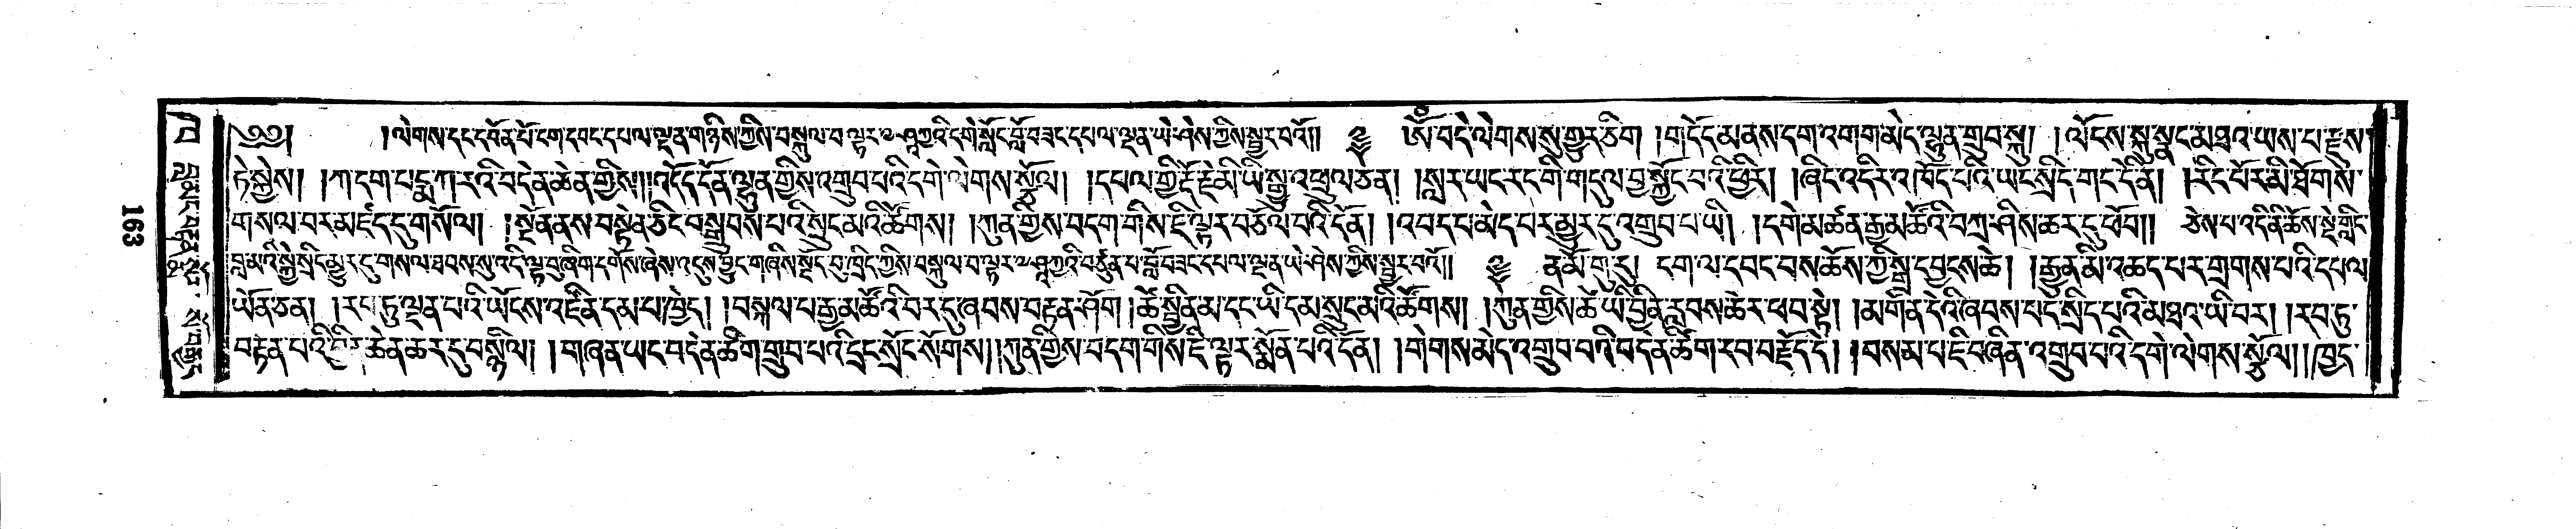༄༅། །ལེགས་དང་དབོན་པོ་ངག་དབང་དཔལ་ལྡན་གཉིས་ཀྱིས་བསྐུལ་བ་ལྟར་༧་ཤཱཀྱའི་དགེ་སློང་བློ་བཟང་དཔལ་ལྡན་ཡེ་ཤེས་ཀྱིས་སྦྱར་བའོ།། ༈ ཨོཾ་བདེ་ལེགས་སུ་གྱུར་ཅིག །གདོང་མ་ནས་དག་འགག་མེད་ལྷུན་གྲུབ་སྐུ། །ལོངས་སྐུ་སྣང་མཐའ་ཡས་པ་རྫུས་
ཏེ་སྐྱེས། །ཀ་དག་པདམ་ཀ་རའི་བདེན་ཆེན་གྱིས། །འདོད་དོན་ལྷུན་གྱིས་འགྲུབ་པའི་དགེ་ལེགས་སྩོལ། །དཔལ་གྱི་རྡོ་རྗེ་མི་ཡི་སྒྱུ་འཕྲུལ་ཅན། །སླར་ཡང་རང་གི་གདུལ་བྱ་སྐྱོང་བའི་ཕྱིར། །ཞིང་འདིར་འཁོད་པའི་ཡང་སྲིད་གང་དེ་ནི། །རིང་པོར་མི་ཐོགས་
གསལ་བར་མཛད་དུ་གསོལ། །སྔོན་ནས་བསྟེན་ཅིང་བསྒྲུབས་པའི་སྲུང་མའི་ཚོགས། །ཀུན་གྱིས་བདག་གིས་ཇི་ལྟར་བཅོལ་བའི་དོན། །འབད་པ་མེད་པར་མྱུར་དུ་འགྲུབ་པ་ཡི། །དགེ་མཚན་རྒྱ་མཚོའི་བཀྲ་ཤིས་ཆར་དུ་ཕོབ།། ཅེས་པ་འདི་ནི་ཆོས་སྡེ་གླིང་
བླ་མའི་སྐྱེ་སྲིད་མྱུར་དུ་གསལ་ཐབས་སུ་འདི་ལྟ་བུ་ཞིག་དགོས་ཞེས་འདུས་བྱུང་གཞིས་སྡོད་བུ་ཁྲིད་ཀྱིས་བསྐུལ་བ་ལྟར་༧་ཤཱཀྱའི་བཙུན་པ་བློ་བཟང་དཔལ་ལྡན་ཡེ་ཤེས་ཀྱིས་སྦྱར་བའོ།། ༈ ན་མོ་གུ་རུ། དག་ལ་དབང་བས་ཆོས་ཀྱི་སྒྲ་དབྱངས་ཆེ། །རྒྱུན་མི་འཆད་པར་གྲགས་པའི་དཔལ་
ཡོན་ཅན། །རབ་ཏུ་ལྡན་པའི་ཡོངས་འཛིན་དམ་པ་ཁྱེད། །བསྐལ་པ་རྒྱ་མཚོའི་བར་དུ་ཞབས་བརྟན་ཤོག །ཚེ་སྦྱིན་མ་དང་ཡི་དམ་སྲུང་མའི་ཚོགས། །ཀུན་གྱིས་ཚེ་ཡི་བྱིན་རླབས་ཆེར་ཕབ་སྟེ། །མགོན་དེའི་ཞབས་པད་སྲིད་པའི་མཐའ་ཡི་བར། །རབ་ཏུ་
བརྟན་པའི་བྱིན་ཆེན་ཆར་དུ་བསྙིལ། །གཞན་ཡང་བདེན་ཚིག་གྲུབ་པའི་དྲང་སྲོང་སོགས། །ཀུན་གྱིས་བདག་གིས་ཇི་ལྟར་སྨོན་པའི་དོན། །གེགས་མེད་འགྲུབ་པའི་བདེན་ཚིག་རབ་བརྗོད་དེ། །བསམ་པ་ཇི་བཞིན་འགྲུབ་པའི་དགེ་ལེགས་སྩོལ། །ཁྱད་